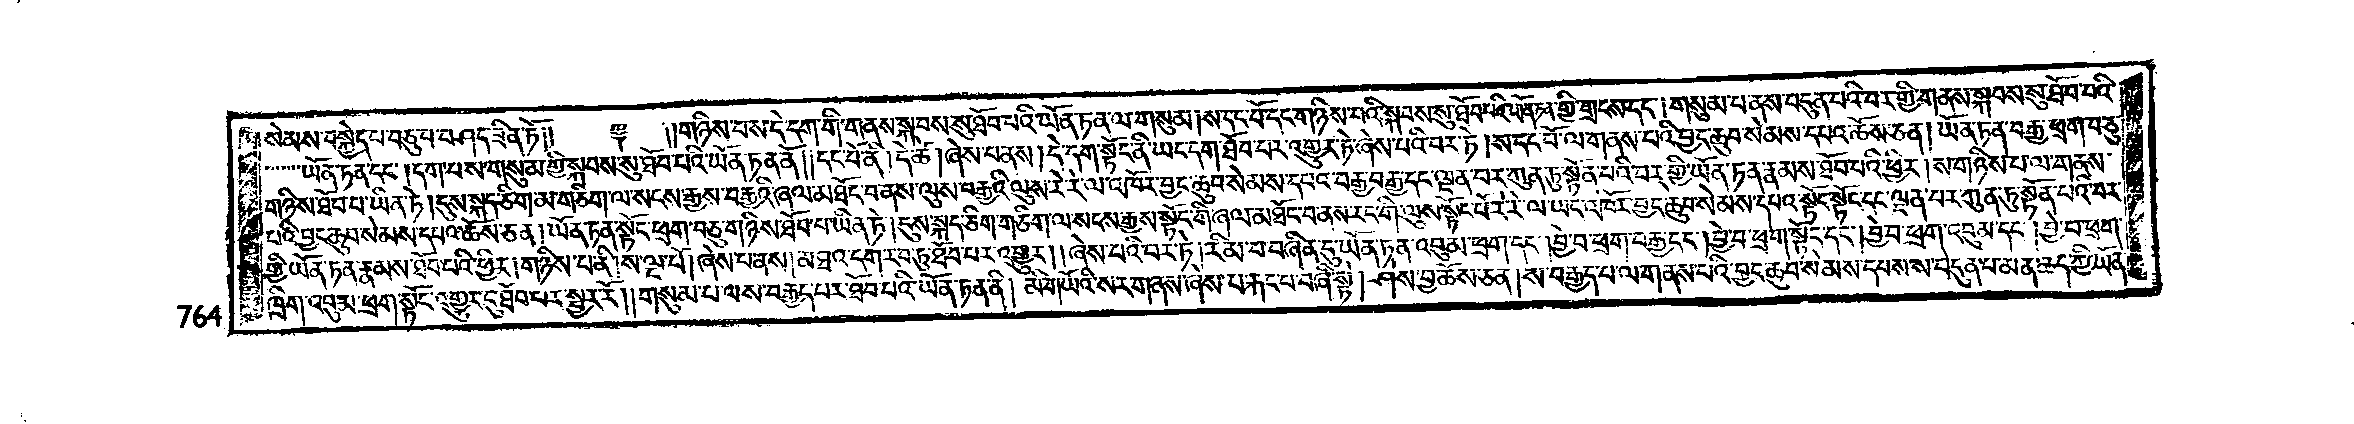སེམས་བསྐྱེད་པ་བཅུ་པ་བཤད་ཟིན་ཏོ།། ༈ །།གཉིས་པས་དེ་དག་གི་གནས་སྐབས་སུ་ཐོབ་པའི་ཡོན་ཏན་ལ་གསུམ། ས་དང་པོ་དང་གཉིས་པའི་སྐབས་སུ་ཐོབ་པའི་ཡོན་ཏན་གྱི་གྲངས་དང་། གསུམ་པ་ནས་བདུན་པའི་བར་གྱི་གནས་སྐབས་སུ་ཐོབ་པའི་
ཡོན་ཏན་དང་། དག་པས་གསུམ་གྱི་སྐབས་སུ་ཐོབ་པའི་ཡོན་ཏན་ནོ། །དང་པོ་ནི། དེ་ཚེ། ཞེས་པ་ནས། དེ་དག་སྟོང་ནི་ཡང་དག་ཐོབ་པར་འགྱུར་ཏེ་ཞེས་པའི་བར་ཏེ། ས་དང་པོ་ལ་གནས་པའི་བྱང་ཆུབ་སེམས་དཔའ་ཆོས་ཅན། ཡོན་ཏན་བརྒྱ་ཕྲག་བཅུ་
གཉིས་ཐོབ་པ་ཡིན་ཏེ། དུས་སྐད་ཅིག་མ་གཅིག་ལ་སངས་རྒྱས་བརྒྱའི་ཞལ་མཐོང་བ་ནས་ལུས་བརྒྱའི་ལུས་རེ་རེ་ལ་འཁོར་བྱང་ཆུབ་སེམས་དཔའ་བརྒྱ་བརྒྱ་དང་ལྡན་པར་ཀུན་ཏུ་སྟོན་པའི་བར་གྱི་ཡོན་ཏན་རྣམས་ཐོབ་པའི་ཕྱིར། ས་གཉིས་པ་ལ་གནས་
པའི་བྱང་ཆུབ་སེམས་དཔའ་ཆོས་ཅན། ཡོན་ཏན་སྟོང་ཕྲག་བཅུ་གཉིས་ཐོབ་པ་ཡིན་ཏེ། དུས་སྐད་ཅིག་གཅིག་ལ་སངས་རྒྱས་སྟོང་གི་ཞལ་མཐོང་བ་ནས་རང་གི་ལུས་སྟོང་པོ་རེ་རེ་ལ་ཡང་འཁོར་བྱང་ཆུབ་སེམས་དཔའ་སྟོང་སྟོང་དང་ལྡན་པར་ཀུན་ཏུ་སྟོན་པའི་བར་
གྱི་ཡོན་ཏན་རྣམས་ཐོབ་པའི་ཕྱིར། གཉིས་པ་ནི། ས་ལྔ་པོ། ཞེས་པ་ནས། མཐའ་དག་རབ་ཏུ་ཐོབ་པར་འགྱུར། །ཞེས་པའི་བར་ཏེ། རིམ་པ་བཞིན་དུ་ཡོན་ཏན་འབུམ་ཕྲག་དང་། བྱེ་བ་ཕྲག་བརྒྱ་དང་། བྱེ་བ་ཕྲག་སྟོང་དང་། བྱེ་བ་ཕྲག་འབུམ་དང་། བྱེ་བ་ཕྲག་
ཁྲིག་འབུམ་ཕྲག་སྟོང་འགྱུར་དུ་ཐོབ་པར་སྦྱར་རོ། །གསུམ་པ་ལས་བརྒྱད་པར་ཐོབ་པའི་ཡོན་ཏན་ནི། མི་གཡོའི་སར་གནས་ཞེས་པ་རྐང་པ་བཞི་སྟེ། ཤེས་བྱ་ཆོས་ཅན། ས་བརྒྱད་པ་ལ་གནས་པའི་བྱང་ཆུབ་སེམས་དཔས་ས་བདུན་པ་མན་ཆད་ཀྱི་ཡོན་